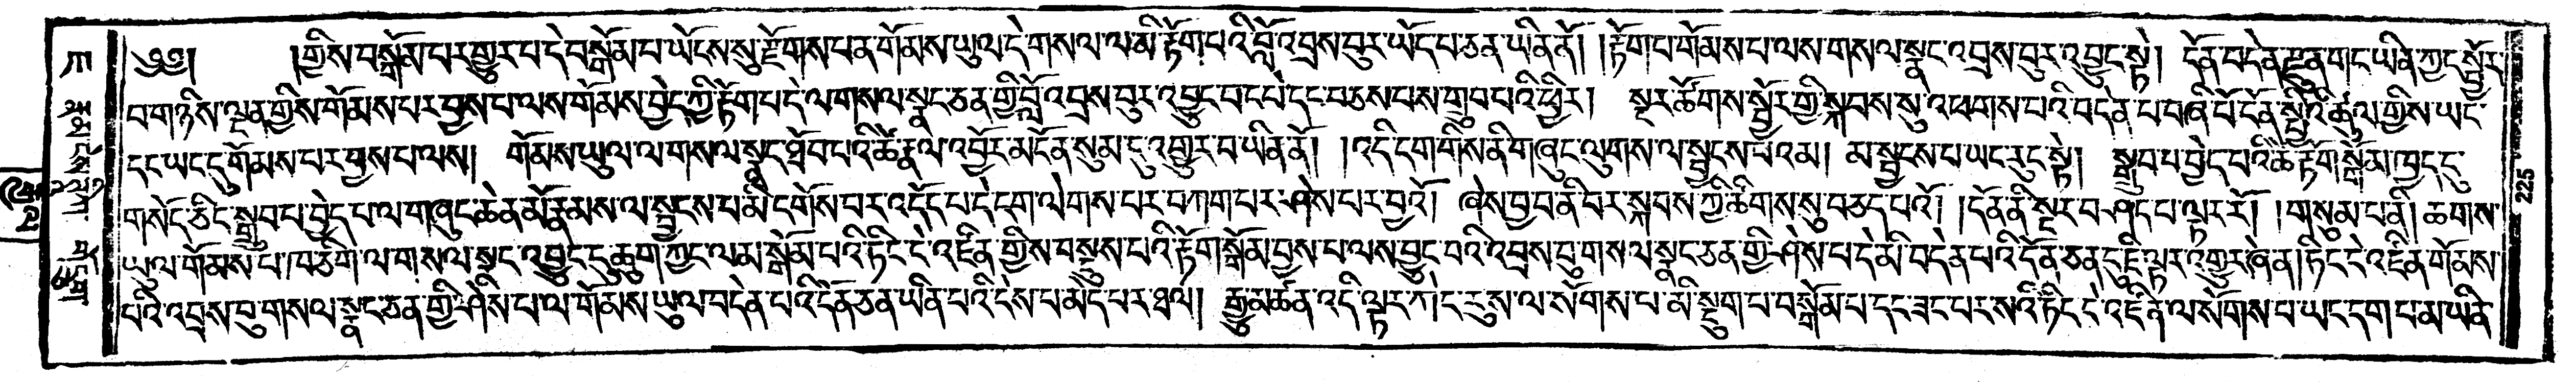༄༅། །གྱིས་བསྒོམ་པར་གྱུར་བ་དེ་བསྒོམ་པ་ཡོངས་སུ་རྫོགས་པ་ན་གོམས་ཡུལ་དེ་གསལ་ལ་མི་རྟོག་པའི་བློ་འབྲས་བུར་ཡོད་པ་ཅན་ཡིན་ནོ། །རྟོག་པ་གོམས་པ་ལས་གསལ་སྣང་འབྲས་བུར་འབྱུང་སྟེ། དོན་བདེན་རྫུན་གང་ཡིན་ཀྱང་སྦྱོར་
བ་གཉིས་ལྡན་གྱིས་གོམས་པར་བྱས་པ་ལས་གོམས་བྱེད་ཀྱི་རྟོག་པ་དེ་ལ་གསལ་སྣང་ཅན་གྱི་བློ་འབྲས་བུར་འབྱུང་བ་དཔེ་དང་བཅས་པས་གྲུབ་པའི་ཕྱིར། སྔར་ཚོགས་སྦྱོར་གྱི་སྐབས་སུ་འཕགས་པའི་བདེན་པ་བཞི་པོ་དོན་སྤྱིའི་ཚུལ་གྱིས་ཡང་
དང་ཡང་དུ་གོམས་པར་བྱས་པ་ལས། གོམས་ཡུལ་ལ་གསལ་སྣང་ཐོབ་པའི་ཚེ་རྣལ་འབྱོར་མངོན་སུམ་དུ་འགྱུར་བ་ཡིན་ནོ། །འདི་དག་གིས་ནི་གཞུང་ལུགས་ལ་སྦྱངས་པའམ། མ་སྦྱངས་པ་ཡང་རུང་སྟེ། སྒྲུབ་པ་བྱེད་པའི་ཚེ་རྟོག་སྒོམ་ཁྱད་དུ་
གསོད་ཅིང་སྒྲུབ་པ་བྱེད་པ་ལ་གཞུང་ཆེན་མོ་རྣམས་ལ་སྦྱངས་པ་མི་དགོས་པར་འདོད་པ་དེ་དག་ལེགས་པར་བཀག་པར་ཤེས་པར་བྱའོ། ཞེས་བྱ་བ་ནི་བར་སྐབས་ཀྱི་ཚིགས་སུ་བཅད་པའོ། །དོན་ནི་སྔར་བཤད་པ་ལྟར་རོ། །གསུམ་པ་ནི། ཆགས་
ཡུལ་གོམས་པ་ཁ་ཅིག་ལ་གསལ་སྣང་འབྱུང་དུ་ཆུག་ཀྱང་ལམ་སྒོམ་པའི་ཏིང་ངེ་འཛིན་གྱིས་བསྡུས་པའི་རྟོག་སྒོམ་བྱས་པ་ལས་བྱུང་བའི་འབྲས་བུ་གསལ་སྣང་ཅན་གྱི་ཤེས་པ་དེ་མི་བདེན་པའི་དོན་ཅན་དུ་ཇི་ལྟར་འགྱུར་ཞེ་ན། ཏིང་ངེ་འཛིན་གོམས་
པའི་འབྲས་བུ་གསལ་སྣང་ཅན་གྱི་ཤེས་པ་ལ་གོམས་ཡུལ་བདེན་པའི་དོན་ཅན་ཡིན་པའི་ངེས་པ་མེད་པར་ཐལ། རྒྱུ་མཚན་འདི་ལྟར་ཀེང་རུས་ལ་སོགས་པ་མི་སྡུག་པ་བསྒོམ་པ་དང་ཟད་པར་སའི་ཏིང་ངེ་འཛིན་ལ་སོགས་པ་ཡང་དག་པ་མ་ཡིན་